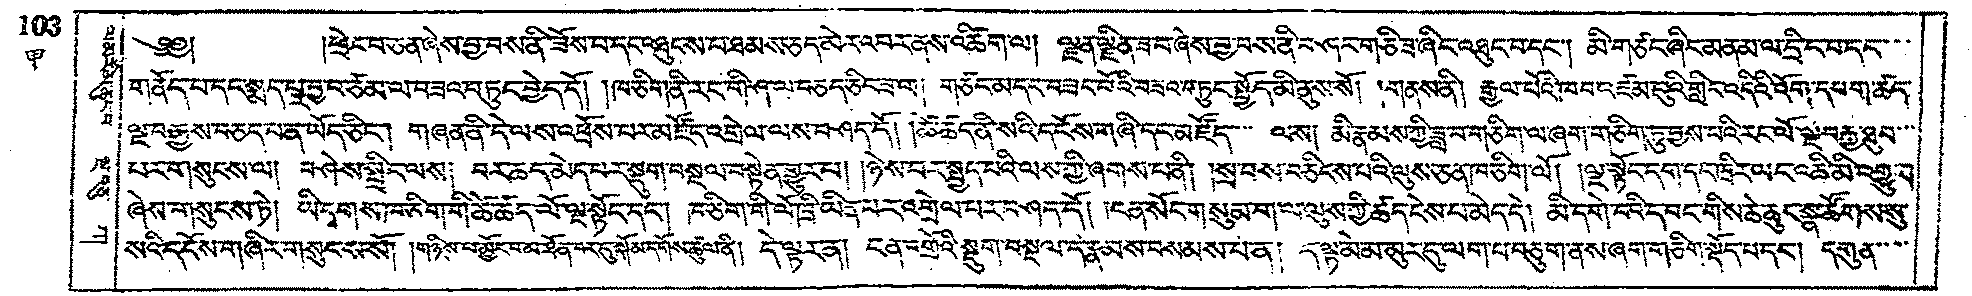༄༅། །ཕྲེང་བ་ཅན་ཞེས་བྱ་བས་ནི་ཟོས་བ་དང་འཐུངས་པ་ཐམས་ཅད་མེར་འབར་ནས་འཚིག་ལ། ལྗན་ལྗིན་ཟ་བ་ཞེས་བྱ་བས་ནི་བཤད་གཅི་ཟ་ཞིང་འཐུང་བ་དང་། མི་གཙང་ཞིང་མནམ་ལ་དྲིང་བ་དང་
གནོད་པ་དང་སྨད་པར་བྱ་བ་ཙམ་ལ་བཟའ་བཏུང་བྱེད་དོ། །ཁ་ཅིག་ནི་རང་གི་ཤལ་བཅད་ཅིང་ཟ་ལ། གཙང་མ་དང་བཟང་པོའི་བཟའ་བཏུང་སྤྱོད་མི་ནུས་སོ། །གནས་ནི། རྒྱལ་པོའི་ཁབ་འཛམ་བུའི་གླིང་འདིའི་འོག་དཔག་ཚད་
ལྔ་བརྒྱས་བཅད་པ་ན་ཡོད་ཅིང་། གཞན་ནི་དེ་ལས་འཕྲོས་པར་མཛོད་འགྲེལ་ལས་བཤད་དོ། །ཚེ་ཚད་ནི་སའི་དངོས་གཞི་དང་མཛོདླས། མི་རྣམས་ཀྱི་ཟླ་བ་གཅིག་ལ་ཞག་གཅིག་ཏུ་བྱས་པའི་རང་ལོ་ལྔ་བརྒྱ་ཐུབ་
པར་གསུངས་ལ། བཤེས་སྤྲིང་ལས། བར་ཆད་མེད་པར་སྡུག་བསྔལ་བསྟེན་གྱུར་པ། །ཉེས་པར་སྤྱད་པའི་ལས་ཀྱི་ཞགས་པ་ནི། །སྲ་བས་བཅིངས་པའི་ལུས་ཅན་ཁ་ཅིག་ལོ། །ལྔ་སྟོང་དག་དང་ཁྲིར་ཡང་འཆི་མི་འགྱུར།
ཞེས་གསུངས་ཏེ། ཡི་དྭགས་ཁ་ཅིག་གི་ཚེ་ཚད་ལོ་ལྔ་སྟོང་དང་། ཁ་ཅིག་གི་ལོ་ཁྲི་ཡིན་པར་འགྲེལ་པར་བཤད་དོ། །ངན་སོང་གསུམ་ག་ལ་ལུས་ཀྱི་ཚད་ངེས་པ་མེད་དེ། མི་དགེ་བའི་དབང་གིས་ཆེ་ཆུང་སྣ་ཚོགས་སུ་
སའི་དངོས་གཞིར་གསུངས་སོ། །གཉིས་པ་མྱོང་བ་མ་ཐོན་བར་དུ་སྐོམ་དགོས་ཚུལ་ནི།  དེ་ལྟར་ན། ངན་འགྲོའི་སྡུག་བསྔལ་དེ་རྣམས་བསམས་པ་ན། ད་ལྟ་མེ་མ་མུར་དུ་ལག་པ་བཅུག་ནས་ཞག་གཅིག་སྡོད་པ་དང་། དགུན་